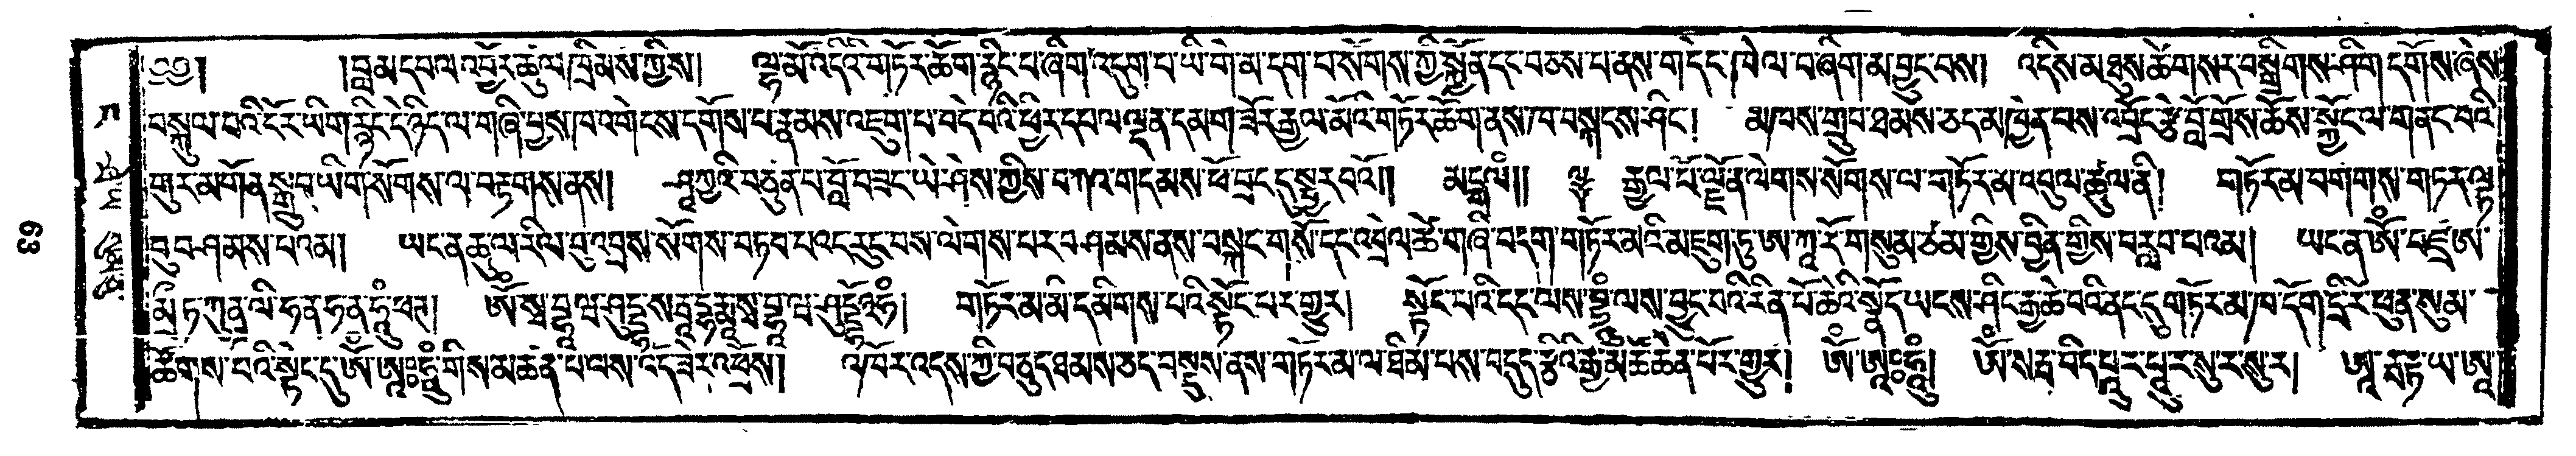༄༅། །བླ་མ་དཔལ་འབྱོར་ཚུལ་ཁྲིམས་ཀྱིས། ལྷ་མོ་འདིའི་གཏོར་ཆོག་རྙིང་པ་ཞིག་འདུག་པ་ཡི་གེ་མ་དག་བ་སོགས་ཀྱི་སྐྱོན་དང་བཅས་པ་ནས་གདེང་ཁེལ་བ་ཞིག་མ་བྱུང་བས། འདིས་མ་ཐུས་ཚེ་གསར་བསྒྲིགས་ཤིག་དགོས་ཞེས་
བསྐུལ་བའི་ངོར་ཡིག་རྙིང་དེ་ཉིད་ལ་གཞི་བྱས་ཁ་འགེངས་དགོས་པ་རྣམས་འཇུག་པ་བདེ་བའི་ཕྱིར་དཔལ་ལྡན་དམག་ཟོར་རྒྱལ་མོའི་གཏོར་ཆོག་ནས་ཁ་བསྐངས་ཤིང་། མཁས་གྲུབ་ཐམས་ཅད་མཁྱེན་བས་འབྲོང་རྩེ་བློ་གྲོས་ཆོས་སྐྱོང་ལ་གནང་བའི་
གུར་མགོན་སྒྲུབ་ཡིག་སོགས་ལ་བརྟགས་ནས། ཤཱཀྱའི་བཙུན་པ་བློ་བཟང་ཡེ་ཤེས་ཀྱིས་བཀའ་གདམས་ཕོ་བྲང་དུ་སྦྱར་བའོ།། མངྒལཾ།། ༈ རྒྱལ་པོ་ལྗོན་ལེགས་སོགས་ལ་གཏོར་མ་འབུལ་ཚུལ་ནི། གཏོར་མ་བགགས་གཏར་ལྟ་
བུ་བཤམས་པའམ། ཡང་ན་ཆུ་ལ་རིལ་བུ་འབྲས་སོགས་བཏབ་པའང་རུང་བས་ལེགས་པར་བཤམས་ནས་བསྐང་གསོ་དང་འབྲེལ་ཚེ་གཞི་བདག་གཏོར་མའི་མཇུག་ཏུ་ཨ་ཀཱ་རོ་གསུམ་ཙམ་གྱིས་བྱིན་གྱིས་བརླབ་པའམ། ཡང་ན་ཨོཾ་བཛྲ་ཨ་
མྲྀ་ཏ་ཀུནྜ་ལི་ཧ་ན་ཧ་ན་ཧཱུཾ་ཕཊ། ཨོཾ་སྭ་བྷཱ་ཝ་ཤུདྡྷ་སརྦཱ་དྷརྨཱ་སྭ་བྷཱ་ཝ་ཤུདྡྷོཉཧཾ། གཏོར་མ་མི་དམིགས་པའི་སྟོང་པར་གྱུར། སྟོང་པའི་དང་ལས་བྷཾ་ལས་བྱུང་བའི་རིན་པོ་ཆེའི་སྣོད་ཡངས་ཤིང་རྒྱ་ཆེ་བའི་ནང་དུ་གཏོར་མ་ཁ་དོག་དྲི་རོ་ཕུན་སུམ་
ཚོགས་བའི་སྟེང་དུ་ཨོཾ་ཨཱཿ ཧཱུཾ་གིས་མཚན་པ་ལས་འདོ་ཟེར་འཕྲོས། འཁོར་འདས་ཀྱི་བཅུད་ཐམས་ཅད་བསྡུས་ནས་གཏོར་མ་ལ་ཐིམ་པས་བདུད་རྩིའི་རྒྱ་མཚོ་ཆེན་པོར་གྱུར། ཨོཾ་ཨཱཿ ཧཱུཾ། ཨོཾ་སརྦ་བིད་པཱུར་པཱུ་ར་སུ་ར་སུ་ར། ཨཱ་རྦརྟ་ཡ་ཨཱ།